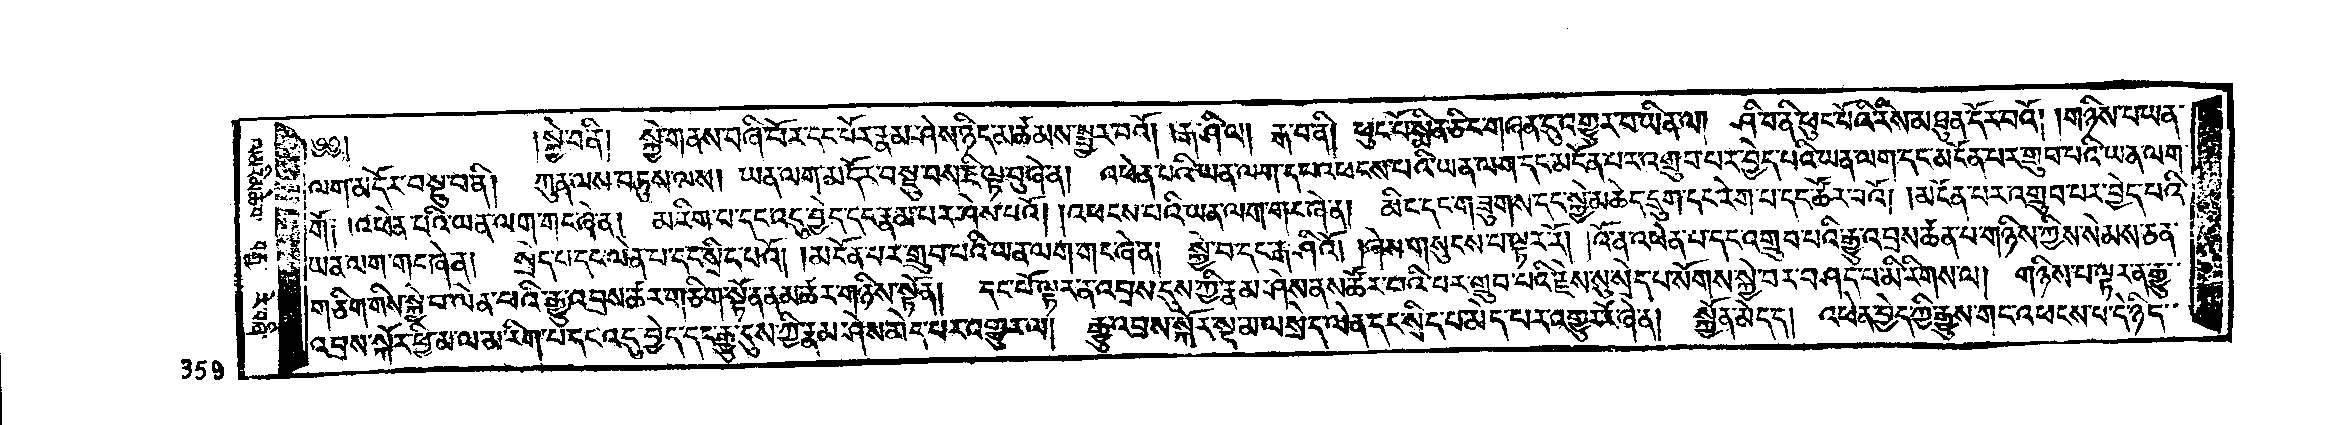༄༅། །སྐྱེ་བ་ནི། སྐྱེ་གནས་བཞི་པོར་དང་པོར་རྣམ་ཤེས་ཉིང་མཚམས་སྦྱར་བའོ། །རྒ་ཤི་ལ། རྒ་བ་ནི། ཕུང་པོ་སྨྲིན་ཅིང་གཞན་དུ་འགྱུར་བ་ཡིན་ལ། ཤི་བ་ནི་ཕུང་པོའི་རིས་མཐུན་དོར་བའོ། །གཉིས་པ་ཡན་
ལག་མདོར་བསྡུ་བ་ནི། ཀུན་ལས་བཏུས་ལས། ཡན་ལག་མདོར་བསྡུ་བས་ཇི་ལྟ་བུ་ཞེ་ན། འཕེན་པའི་ཡན་ལག་དང་འཕངས་པའི་ཡན་ལག་དང་མངོན་པར་འགྲུབ་པར་བྱེད་པའི་ཡན་ལག་དང་མངོན་པར་གྲུབ་པའི་ཡན་ལག་
གོ༑ ༑འཕེན་པའི་ཡན་ལག་གང་ཞེ་ན། མ་རིག་པ་དང་འདུ་བྱེད་དང་རྣམ་པར་ཤེས་པའོ། །འཕངས་པའི་ཡན་ལག་གང་ཞེ་ན། མིང་དང་གཟུགས་དང་སྐྱེ་མཆེད་དྲུག་དང་རེག་པ་དང་ཚོར་བའོ། །མངོན་པར་འགྲུབ་པར་བྱེད་པའི་
ཡན་ལག་གང་ཞེ་ན། སྲེད་པ་དང་ལེན་པ་དང་སྲིད་པའོ། །མངོན་པར་གྲུབ་པའི་ཡན་ལག་གང་ཞེ་ན། སྐྱེ་བ་དང་རྒ་ཤིའོ། །ཞེས་གསུངས་པ་ལྟར་རོ། །འོ་ན་འཕེན་པ་དང་འགྲུབ་པའི་རྒྱུ་འབྲས་ཚན་པ་གཉིས་ཀྱིས་སེམས་ཅན་
གཅིག་གིས་སྐྱེ་བ་ལེན་པའི་རྒྱུ་འབྲས་ཚར་གཅིག་སྟོན་ནམ་ཚར་གཉིས་སྟོན། དང་པོ་ལྟར་ན་འབྲས་དུས་ཀྱི་རྣམ་ཤེས་ནས་ཚོར་བའི་བར་གྲུབ་པའི་རྗེས་སུ་སྲེད་པ་སོགས་སྐྱེ་བར་བཤད་པ་མི་རིགས་ལ། གཉིས་པ་ལྟར་ན་རྒྱུ་
འབྲས་སྐོར་ཕྱི་མ་ལ་མ་རིག་པ་དང་འདུ་བྱེད་དང་རྒྱུ་དུས་ཀྱི་རྣམ་ཤེས་མེད་པར་འགྱུར་ལ། རྒྱུ་འབྲས་སྐོར་སྔ་མ་ལ་སྲེད་ལེན་དང་སྲེད་པ་མེད་པར་འགྱུར་རོ་ཞེ་ན། སྐྱོན་མེད་དེ། འཕེན་བྱེད་ཀྱི་རྒྱུས་གང་འཕངས་པ་དེ་ཉིད་